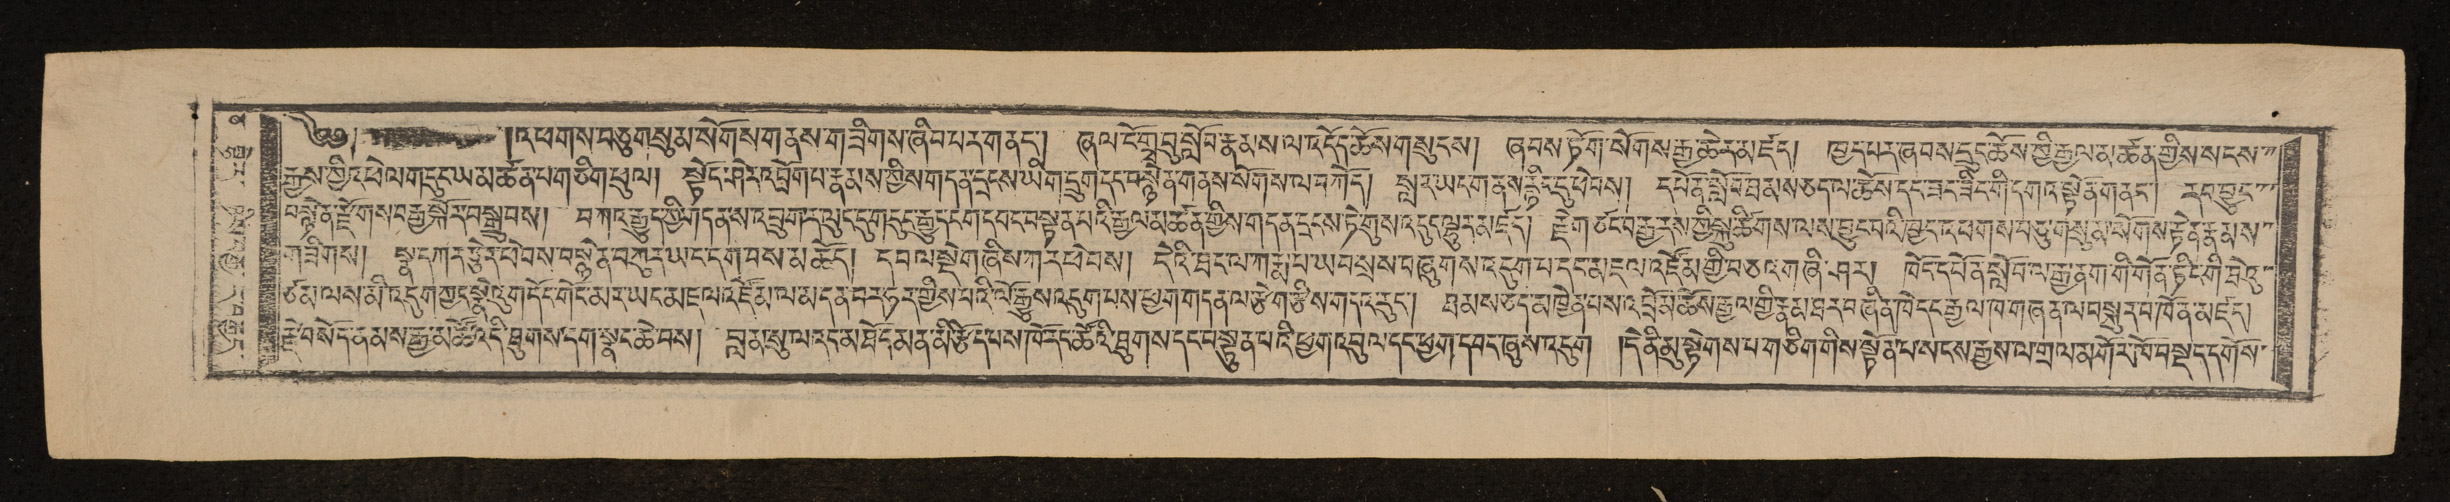༄༅། །འཕགས་བཅུ་གསུམ་སོགས་གནས་གཟིགས་ཞིབ་པར་གནང་། ཞལ་ངོ་གྲྭ་བུ་སློབ་རྣམས་ལ་འདོད་ཆོས་གསུངས། ཞབས་ཏོག་སོགས་རྒྱ་ཆེར་མཛད། ཁྱད་པར་ཞབས་དྲུང་ཆོས་ཀྱི་རྒྱལ་མཚན་གྱིས་སངས་
རྒྱས་ཀྱི་འཕེལ་གདུང་ཡ་མཚན་པ་གཅིག་ཕུལ། སྟོང་ཤེར་འབྲོག་པ་རྣམས་ཀྱིས་གདན་དྲངས་ཡིག་དྲུག་དང་བསྙེན་གནས་སོགས་ལ་བཀོད། སླར་ཡང་གནས་རྙིང་དུ་ཕེབས། དཔོན་སློབ་ཐམས་ཅད་ལ་ཆོས་དང་ཟང་ཟིང་གི་དགའ་སྟོན་གནང་། རབ་བྱུང་
བསྙེན་རྫོགས་བརྒྱ་སྐོར་བསྒྲུབས། བཀའ་རྒྱུད་ཀྱི་གདན་ས་འབྲུག་ར་ལུང་དུ་གདུང་རྒྱུད་ངག་དབང་བསྟན་པའི་རྒྱལ་མཚན་གྱིས་གདན་དྲངས་ཏེ་གུས་འདུད་ལྷུར་མཛད། རྗེ་གཙང་བརྒྱ་རས་ཀྱི་སྐུ་ཚིགས་ལས་བྱུང་བའི་ཁྱད་འཕགས་བཅུ་གསུམ་སོགས་རྟེན་རྣམས་
གཟིགས། སྣ་དཀར་རྩེར་ཕེབས་བསྙེན་བཀུར་ཡང་དག་པས་མཆོད། དཔལ་སྡེ་གཞིས་ཀར་ཕེབས། དེའི་ཐང་ལ་ཀརྨ་པ་ཡབ་སྲས་བཞུགས་འདུག་པ་དང་མཇལ་འཛོམ་གྱི་བཅའ་གཞི་ཤར། ཁོང་དཔོན་སློབ་ལ་རྒྱ་ནག་གི་གོན་ཏིང་གི་ཐེའུ་
ཙམ་ལས་མི་འདུག་ཀྱང་སྣེའུ་གདོང་གོང་མར་ཡང་མཇལ་འཛོམ་ལ་མ་དན་པར་ཧར་གྱིས་པའི་ལོ་རྒྱུས་འདུག་པས་ཕྱག་གདན་ལ་རྩེག་རྩིས་གདའ་རུང་། ཐམས་ཅད་མཁྱེན་པས་འབྲོམ་ཆོས་རྒྱལ་གྱི་རྣམ་ཐར་བཞིན་ཁེ་དང་རྒྱལ་ཁ་གཞན་ལ་བསྐུར་བ་ཁོ་ན་མཛད།
རྗེ་བསོད་ནམས་རྒྱ་མཚོ་འདི་ཐུགས་དག་སྣང་ཆེ་བས། བླ་མ་སུ་ལའང་མཐོ་དམན་མི་རྩོད་པས་ཁོ་རང་ཚོའི་ཐུགས་དང་བསྟུན་པའི་ཕྱག་འབུལ་དང་ཕྱག་དབང་ཞུས་འདུག །དེ་ནི་མུ་སྟེགས་བ་གཅིག་གིས་སྟོན་པ་སངས་རྒྱས་ལ་གྲལ་མགོར་ཁོ་བསྡད་དགོས་